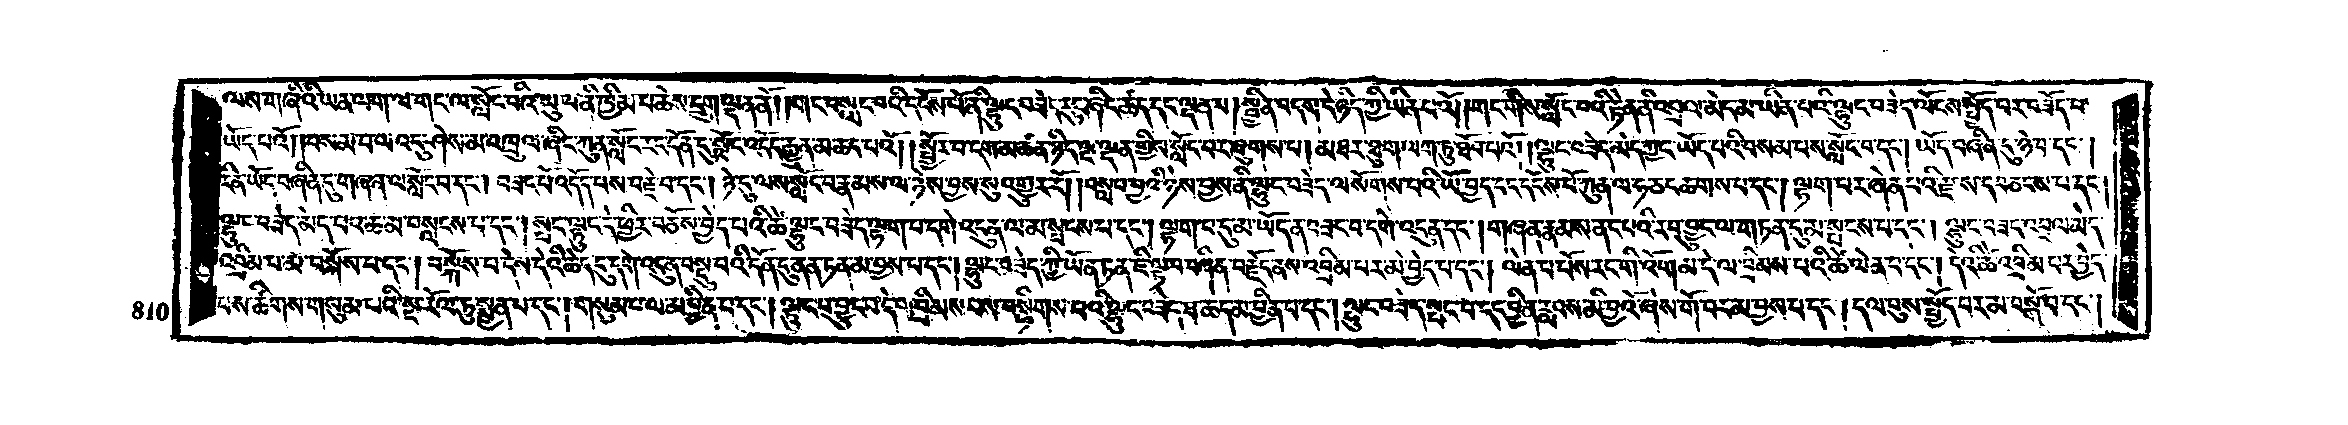ལས་གཞིའི་ཡན་ལག་ལ་གང་ལ་སློང་བའི་ཡུལ་ནི་ཁྱིམ་པ་ཆེས་དྲུག་ལྡན་ནོ། །གང་བསླང་བའི་དངོས་པོ་ནི་ལྷུང་བཟེད་རུང་ཞིང་ཚད་དང་ལྡན་པ། སྦྱིན་བདག་དེ་ཉིད་ཀྱི་ཡིན་པའོ། །གང་གིས་སློང་བའི་རྟེན་ནི་འབྲལ་མེད་མ་ཡིན་པའི་ལྷུང་བཟེད་ལོངས་སྤྱོད་པར་བཟོད་པ་
ཡོད་པའོ། །བསམ་པ་ལ་འདུ་ཤེས་མ་འཁྲུལ་ཞིང་ཀུན་སློང་རང་དོན་དུ་སློང་འདོད་རྒྱུན་མ་ཆད་པའོ། །སྦྱོར་བ་དག་མཚན་ཉིད་ལྔ་ལྡན་གྱིས་སློང་བར་ཞུགས་པ། མཐར་ཐུག་ལག་ཏུ་ཐོབ་པའོ། །ལྷུང་བཟེད་མེད་ཀྱང་ཡོད་པའི་བསམ་པས་སློང་བ་དང་། ཡོད་བཞིན་དུ་ཉེ་བ་དང་།
རིན་ཡོད་བཞིན་དུ་གཞན་ལ་སློང་བ་དང་། བཟང་པོ་འདོད་པས་བརྗེ་བ་དང་། ཉེ་དུ་ལས་སློང་བ་རྣམས་ལ་ཉེས་བྱས་སུ་འགྱུར་རོ། །བསླབ་བྱའི་ཉེས་བྱས་ནི་ལྷུང་བཟེད་ལ་སོགས་པའི་ཡོ་བྱད་དང་དངོས་པོ་ཀུན་ལ་ཧ་ཅང་ཆགས་པ་དང་། ལྷག་པར་ཞེན་པའི་རྫས་ད་བཅངས་པ་དང་།
ལྷུང་བཟེད་མེད་པའི་ཆ་མ་བསླངས་པ་དང་། སྤང་ལྟུང་དེ་ཕྱིར་བཅོས་བྱེད་པའི་ཚེ་ལྷུང་བཟེད་ལྷག་པ་དགེ་འདུན་ལམ་སྤང་པ་དང་། ལྷག་པ་དུ་མ་ཡོད་ན་བཟང་བ་དགེ་འདུན་དང་། གཞན་རྣམས་ནང་པའི་རབ་བྱུང་ལ་གཏན་དུ་མ་སྤངས་པ་དང་། ལྷུང་བཟེད་འབྲལ་མེད་
འབྲིམ་པ་མ་བསྐོས་པ་དང་། བསྐོས་པ་དེས་དེའི་ཆེད་དུ་དགེ་འདུན་བསྡུ་བའི་དོན་དུ་ནན་ཏན་མ་བྱས་པ་དང་། ལྷུང་བཟེད་ཀྱི་ཡོན་ཏན་ཇི་ལྟ་བ་བཞིན་བརྗོད་ནས་འབྲིམ་པར་མེ་བྱེད་པ་དང་། ལེན་པ་པོས་རང་གི་འོག་མ་དེ་ལ་བྲིམས་པའི་ཚེ་ལེན་པ་དང་། དེའི་ཚེ་འབྲིམ་པར་བྱེད་
པས་ཚིགས་གསུམ་པའི་སྔ་རོལ་ཏུ་སྤྱན་པ་དང་། གསུམ་པ་ལ་མ་བྱིན་པ་དང་། ལྟུང་པ་བྱུང་བ་དེ་འཁྲིམས་བས་བསྙིགས་པའི་ལྷུང་བཟེད་ཐ་ཆད་མ་བྱིན་པ་དང་། ལྷུང་བཟེད་སྤང་པ་དང་བྱིན་རླབས་མི་བྱའོ་ཞེས་གོ་བར་མ་བྱས་པ་དང་། དལ་བུས་སྤྱོད་པར་མ་བསྒོ་བ་དང་།